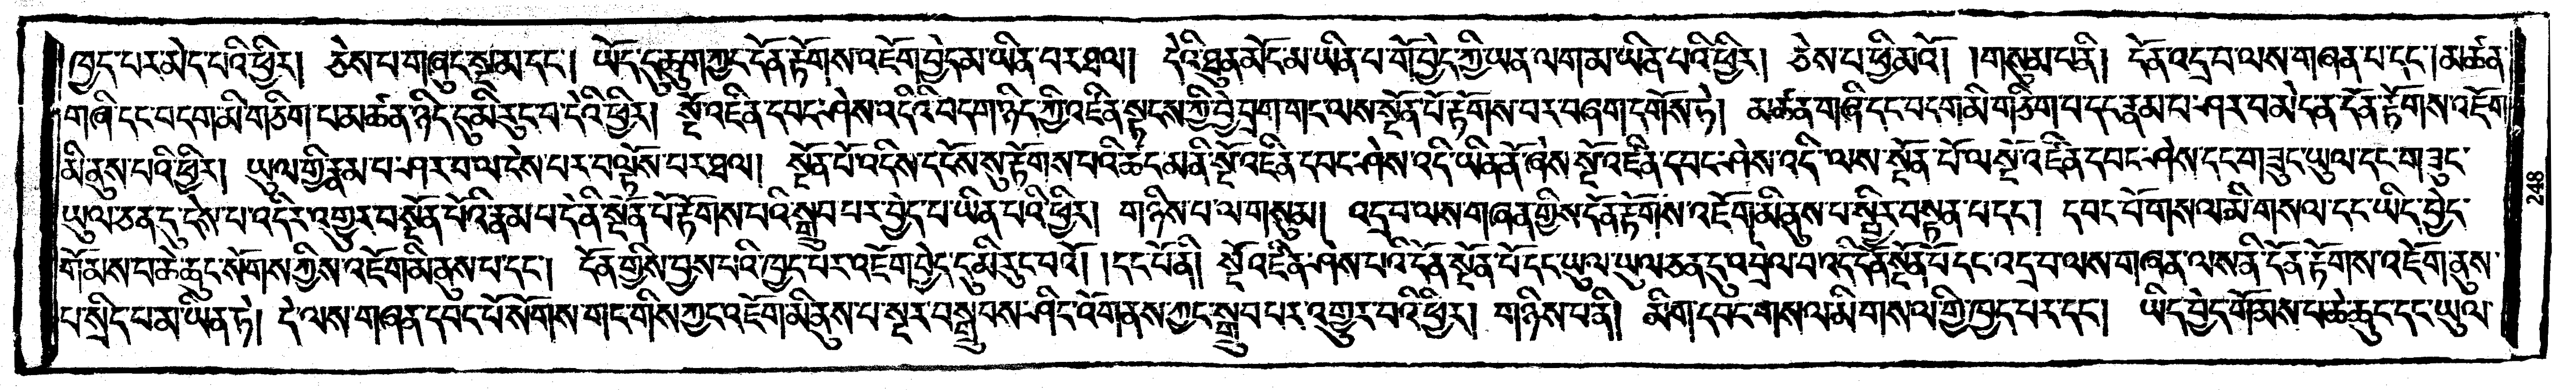ཁྱད་པར་མེད་པའི་ཕྱིར། ཅེས་པ་གཞུང་སྔ་མ་དང་། ཡོད་དུ་ཆུག་ཀྱང་དོན་རྟོགས་འཇོག་བྱེད་མ་ཡིན་པར་ཐལ། དེའི་ཐུན་མོང་མ་ཡིན་པ་གོ་བྱེད་ཀྱི་ཡན་ལག་མ་ཡིན་པའི་ཕྱིར། ཅེས་པ་ཕྱི་མའོ། །གསུམ་པ་ནི། དོན་འདྲ་བ་ལས་གཞན་པ་དང་། མཚན་
གཞི་དང་བདག་མི་གཅིག་པ་མཚན་ཉིད་དུ་མི་རུང་བ་དེའི་ཕྱིར། སྔོ་འཛིན་དབང་ཤེས་འདིའི་བདག་ཉིད་ཀྱི་འཛིན་སྟངས་ཀྱི་བྱེ་བྲག་གང་ལས་སྔོན་པོ་རྟོགས་པར་བཞག་དགོས་ཏེ། མཚན་གཞི་དང་བདག་མི་གཅིག་པ་དང་རྣམ་པ་ཤར་བ་མེད་ན་དོན་རྟོགས་འཇོག་
མི་ནུས་པའི་ཕྱིར། ཡུལ་གྱི་རྣམ་པ་ཤར་བ་ལ་ངེས་པར་བལྟོས་པར་ཐལ། སྔོན་པོ་འདིས་དངོས་སུ་རྟོགས་པའི་ཚད་མ་ནི་སྔོ་འཛིན་དབང་ཤེས་འདི་ཡིན་ནོ་ཞེས་སྔོ་འཛིན་དབང་ཤེས་འདི་ལས་སྔོན་པོ་ལ་སྔོ་འཛིན་དབང་ཤེས་དང་གཟུང་ཡུལ་དང་གཟུང་
ཡུལ་ཅན་དུ་ངེས་པ་འདིར་འགྱུར་བ་སྔོན་པོའི་རྣམ་པ་དེ་ནི་སྔོན་པོ་རྟོགས་པའི་སྒྲུབ་པར་བྱེད་པ་ཡིན་པའི་ཕྱིར། གཉིས་པ་ལ་གསུམ། འདྲ་བ་ལས་གཞན་གྱིས་དོན་རྟོགས་འཇོག་མི་ནུས་པ་སྤྱིར་བསྟན་པ་དང་། དབང་པོ་གསལ་མི་གསལ་དང་ཡིད་བྱེད་
གོམས་པ་ཆེ་ཆུང་སོགས་ཀྱིས་འཇོག་མི་ནུས་པ་དང་། དོན་གྱིས་བྱས་པའི་ཁྱད་པར་འཇོག་བྱེད་དུ་མི་རུང་བའོ། །དང་པོ་ནི། སྔོ་འཛིན་ཤེས་པའི་དོན་སྔོན་པོ་དང་ཡུལ་ཡུལ་ཅན་དུ་འབྲེལ་པ་འདི་དོན་སྔོན་པོ་དང་འདྲ་བ་ལས་གཞན་ལས་ནི་དོན་རྟོགས་འཇོག་ནུས་
པ་སྲིད་པ་མ་ཡིན་ཏེ། དེ་ལས་གཞན་དབང་པོ་སོགས་གང་གིས་ཀྱང་འཇོག་མི་ནུས་པ་སྔར་བསྒྲུབས་ཤིང་འོག་ནས་ཀྱང་སྒྲུབ་པར་འགྱུར་བའི་ཕྱིར། གཉིས་པ་ནི། མིག་དབང་གསལ་མི་གསལ་གྱི་ཁྱད་པར་དང་། ཡིད་བྱེད་གོམས་པ་ཆེ་ཆུང་དང་ཡུལ་